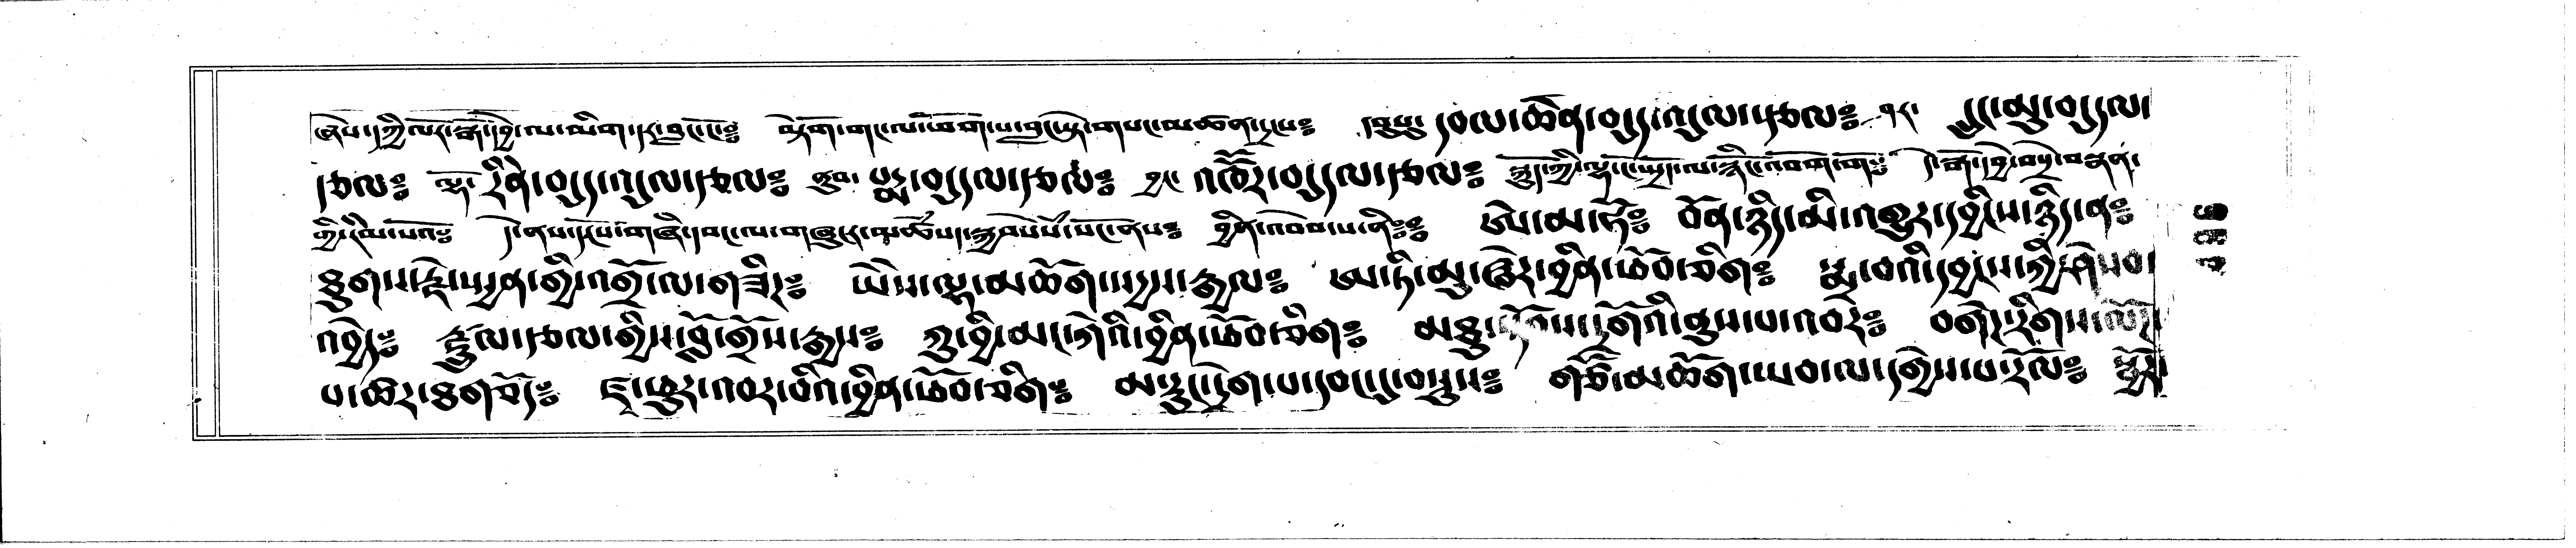ཞེས་དཀྱིལ་འཁོར་སྒོ་དབྱེ་ལ་མིག་དར་བླང་ངོ༔མེ་ཏོག་གང་ལ་ཕོག་ལ་བླང་སྟེ་གསང་མཚན་དྲངས༔དབུས་སུ་དབལ་ཆེན་བདུད་འདུལ་སྩལ༔ཤར་དྲུང་མུ་བདུད་འདུལ་
རྩལ༔ལྷོ་རིན་ཆེན་བདུད་འདུལ་རྩལ༔ནུབ་པདྨ་བདུད་འདུལ་རྩལ༔བྱང་འཁོར་ལོ་བདུད་འདུལ་རྩལ༔སྐུ་སྟོད་ཀྱིལྷ་ངོ་སྤྲོད་ལ་སྙིང་པོ་འབོག་གོ༔དེ་སྒོ་དབྱེ་བསྲེ་བསྣན་
གྱི་རིམ་པའོ༔དེ་ནས་དངོས་གཞི་དབང་ལ་གཞུང་ལྟར་མཚམས་བཅད་སྐྱབས་སེམས་སོང་ནས༔བྱིན་འབེབས་ནི༔༔ཨེ་མ་ཧོ༔བོན་ཉིད་མི་འགྱུར་དབྱིངས་ཉིད་ན༔
ཐུགས་རྗེ་སྤྱན་གྱིས་འགྲོ་ལ་གཟིགས༔ཡེ་ཤེས་ལྷ་མཆོག་སངས་རྒྱས་རྒྱལ༔ཨ་ཏི་མུ་ཝེར་བྱིན་ཕོབ་ཅིག༔སྨྲ་བའི་དབྱངས་ཀྱི་ཤེས་རབ་
འབྱེད༔རྫུ་འཕྲུལ་རྩལ་གྱིས་བློ་གྲོས་རྒྱས༔ཀུ་བྱི་མང་ཀེའི་བྱིན་ཕོབ་ཅིག༔མཐུ་སྟོབས་དྲག་པོའི་ནུས་པ་འབར༔བགེགས་རིགས་ལོག་
པ་ཚར་ཐག་གཅོད༔ཛྭ་ཕུར་འབར་བའི་བྱིན་ཕོབ་ཅིག༔མ་རུང་དྲེག་པ་དབང་དུ་བསྡུས༔གཙོ་མཆོག་ཡབ་ལ་དགྱེས་པ་རོལ༔སྦྱོར་